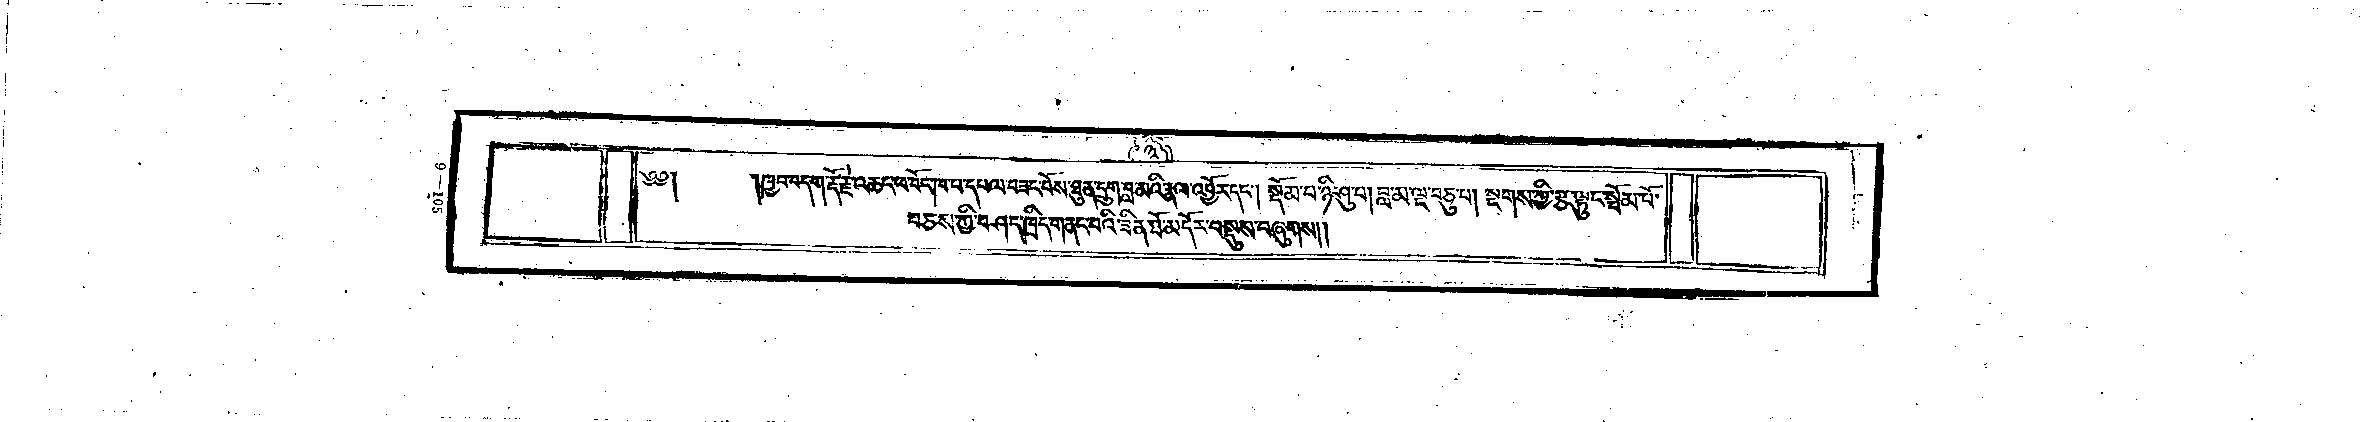༄༅། །ཁྱབ་བདག་རྡོ་རྗེ་འཆང་ཕ་བོང་ཁ་པ་དཔལ་བཟང་པོས་ཐུན་དྲུག་བླ་མའི་རྣལ་འབྱོར་དང་། སྡོམ་པ་ཉི་ཤུ་པ། བླ་མ་ལྔ་བཅུ་པ། སྔགས་ཀྱི་རྩ་ལྟུང་སྦོམ་པོ་
བཅས་ཀྱི་བཤད་ཁྲིད་གནང་བའི་ཟིན་ཐོ་མདོར་བསྡུས་བཞུགས།།